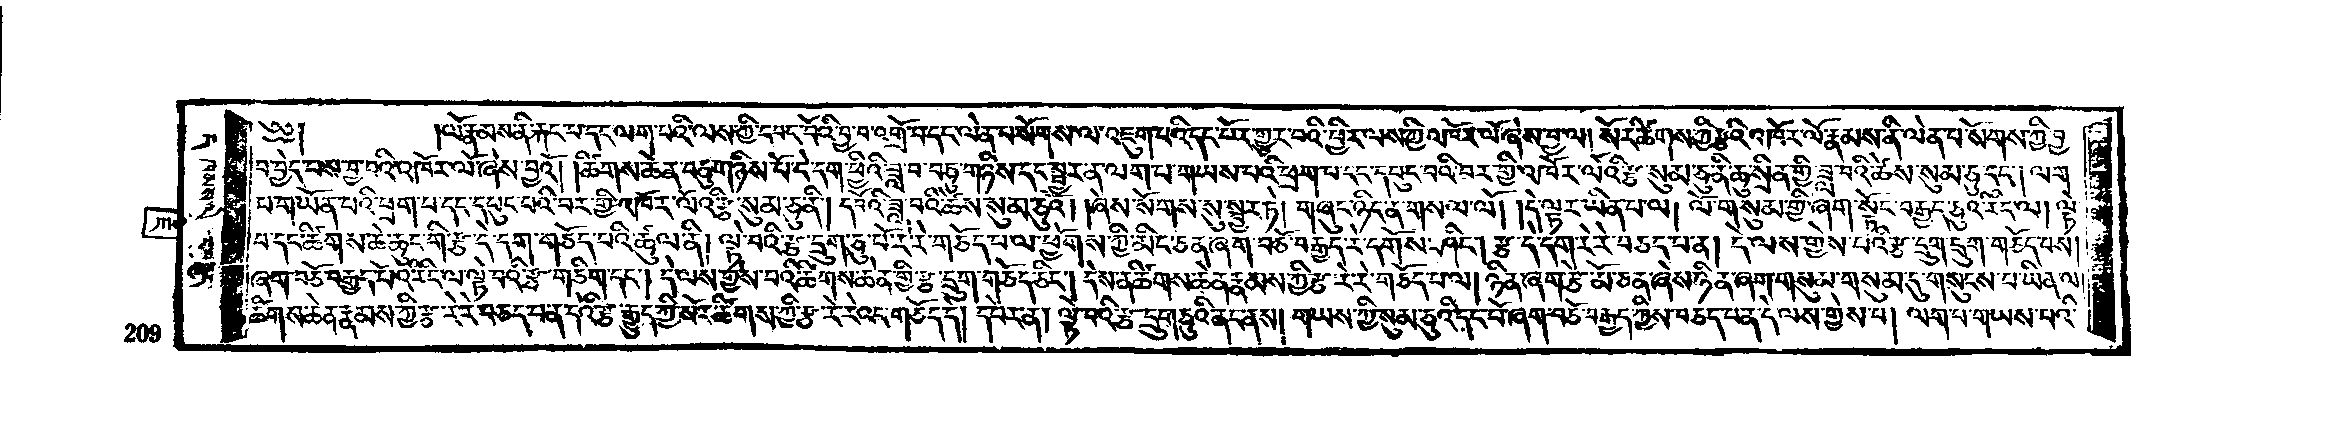༄༅། །ལོ་རྣམས་ནི་རྐང་པ་དང་ལག་པའི་ལས་ཀྱི་དབང་པོའི་བྱ་བ་འགྲོ་བ་དང་ལེན་པ་སོགས་ལ་འཇུག་པའི་དང་པོར་གྱུར་བའི་ཕྱིར་ལས་ཀྱི་འཁོར་ལོ་ཞེས་བྱ་ལ། སོར་ཚིགས་ཀྱི་རྩའི་འཁོར་ལོ་རྣམས་ནི་ལེན་པ་སོགས་ཀྱི་བྱ་
བ་བྱེད་པས་བྱ་བའི་འཁོར་ལོ་ཞེས་བྱའོ། །ཚིགས་ཆེན་བཅུ་གཉིས་པོ་དེ་དག་ཕྱིའི་ཟླ་བ་བཅུ་གཉིས་དང་སྦྱར་ན་ལག་པ་གཡས་པའི་ཕྲག་པ་དང་དཔུང་པའི་བར་གྱི་འཁོར་ལོའི་རྩ་སུམ་ཅུ་ནི་ཆུ་སྲིན་གྱི་ཟླ་བའི་ཚེས་སུམ་ཅུ་དང་། ལག་
པ་གཡོན་པའི་ཕྲག་པ་དང་དཔུང་པའི་བར་གྱི་འཁོར་ལོའི་རྩ་སུམ་ཅུ་ནི། དཔོའི་ཟླ་བའི་ཚེས་སུམ་ཅུའོ། །ཞེས་སོགས་སུ་སྦྱར་ཏེ། གཞུང་ཉིད་ན་གསལ་ལོ། །དེ་ལྟར་ཡིན་པ་ལ། ལོ་གསུམ་གྱི་ཞག་སྟོང་བརྒྱད་ཅུའི་རིང་ལ། ལྟེ་
བ་དང་ཚིགས་ཆེ་ཆུང་གི་རྩ་དེ་དག་གཅོད་པའི་ཚུལ་ནི། ལྟེ་བའི་རྩ་དྲུག་ཅུ་པོ་རེ་རེ་གཅོད་པ་ལ་ཕྱོགས་ཀྱི་མིང་ཅན་ཞག་བཅོ་བརྒྱད་རེ་དགོས་ཤིང་། རྩ་དེ་དག་རེ་རེ་བཅད་པ་ན། དེ་ལས་གྱེས་པའི་རྩ་དྲུག་དྲུག་གཅོད་པས།
ཞག་བཅོ་བརྒྱད་པོའི་རིང་ལ་ལྟེ་བའི་རྩ་གཅིག་དང་། དེ་ལས་གྱེས་པའི་ཚིགས་ཆེན་གྱི་རྩ་དྲུག་གཅོད་ཅིང་། དེས་ན་ཚིགས་ཆེན་རྣམས་ཀྱི་རྩ་རེ་རེ་གཅོད་པ་ལ། ཉིན་ཞག་རྩེ་མོ་ཅན་ཞེས་ཉིན་ཞག་གསུམ་གསུམ་དུ་གསུངས་པ་ཡིན་ལ་
ཚིགས་ཆེན་རྣམས་ཀྱི་རྩ་རེ་རེ་བཅད་པ་ན་དེའི་རྩ་རྒྱུད་ཀྱི་སོར་ཚིགས་ཀྱི་རྩ་རེ་རེའང་གཅོད་དེ། དཔེར་ན། ལྟེ་བའི་རྩ་དྲུག་ཅུའི་ནང་ནས། གཡས་ཀྱི་སུམ་ཅུའི་དང་པོ་ཞག་བཅོ་བརྒྱད་ཀྱིས་བཅད་པ་ན་དེ་ལས་གྱེས་པ། ལག་པ་གཡས་པའི་